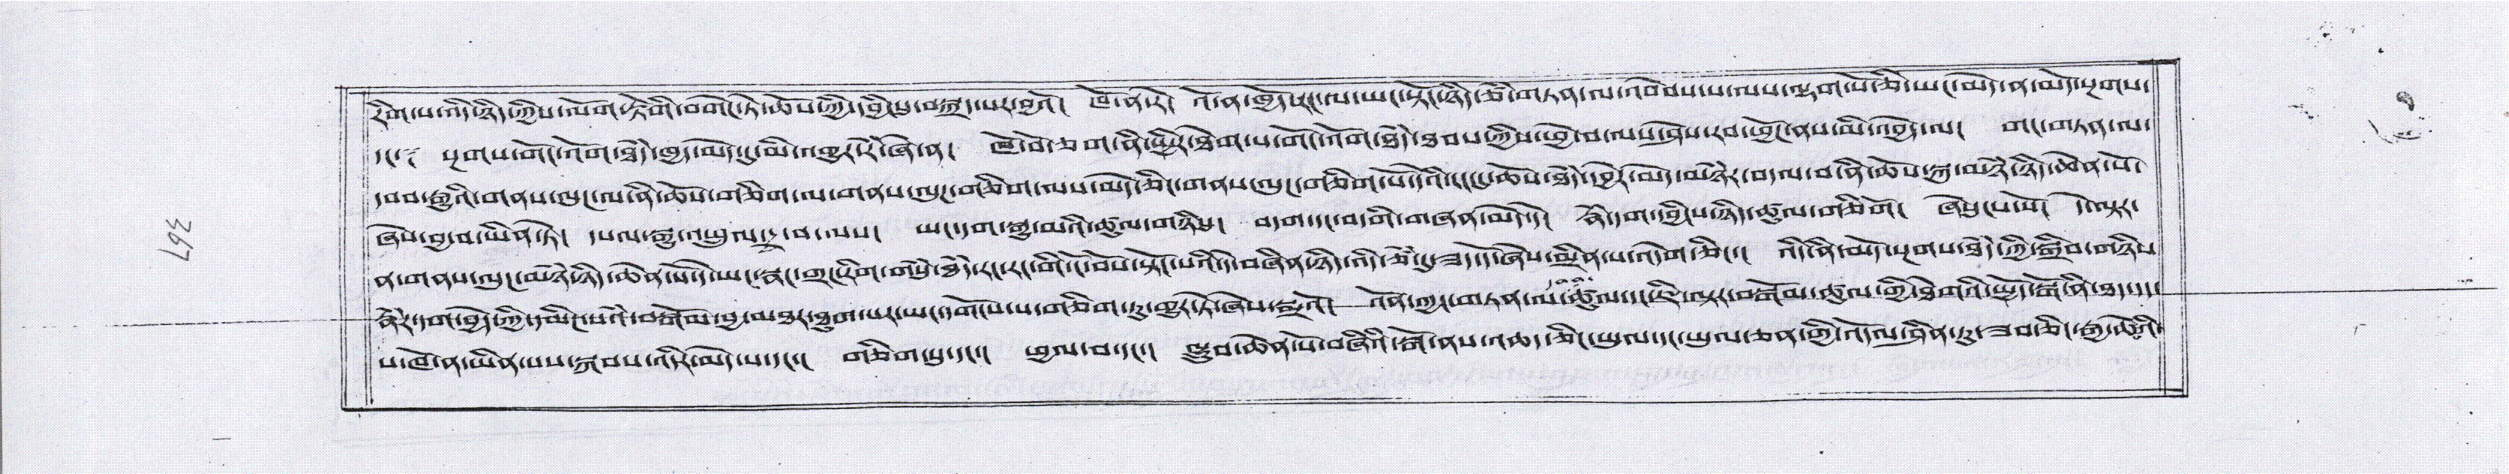རིག་པ་འདི་ཉིད་ཀྱིས་ལོག་རྟོག་གི་བགེགས་ཏེ་ཆོས་ཀྱི་དབྱིངས་སུ་བསྐྲད་པར་བྱའོ། ཁོ་ན་རེ། འོ་ན་ཁྱོད་རང་ལ་ཡང་སྟོང་ཉིད་ཙམ་གཏན་ལ་འབེབས་པ་ལས་ལྷག་པོ་ཅི་ཡང་མེད་ན་མདོ་སྔགས་
དང། སྔགས་གོང་འོག་ཐམས་ཅད་ཁྱད་མེད་དུ་མི་འགྱུར་རམ་ཞེ་ན། ཁོ་བོ་ཅག་ནི་སྤྱིར་ཐེག་པ་གོང་འོག་ཐམས་ཅད་ཐབས་ཀྱིས་ཕྱེ་བ་ལས་ཤེས་རབ་ཕྱོགས་ནས་མི་འབྱེད་ལ། གང་གཏན་ལ་
དབབ་རྒྱུའི་གནས་ལུགས་ལ་ནི་ཆོས་གཅིག་ལ་གནས་ལུགས་གཅིག་ལས་མེད་ཅིང་གནས་ལུགས་གཅིག་པོ་དེའི་ངང་དུ་ཆོས་ཐམས་ཅད་དབྱེར་མེད་མཉམ་པར་བདལ་བ་ནི་ཆོས་སྐུ་མཉམ་ཉིད་ཆེན་པོ་
ཞེས་བྱ་བ་ཡིན་ཏེ། དཔལ་སྒྱུ་འཕྲུལ་དྲྭ་བ་ལས། ཡང་དག་སྒྱུ་མའི་ཚུལ་གཉིས། བདག་དང་བདག་གི་གཞན་མེད་དེ། རྣམ་དག་དབྱིངས་ཉིད་ཚུལ་གཅིག་གོ། ཞེས་གསུངས་སོ། དེ་ལྟར་
ན་གནས་ལུགས་མཉམ་ཉིད་ཆེན་པོ་དེ་ཡང་སྣང་གྲགས་རིག་གསུམ་ཐམས་ཅད་རང་རང་གི་ངོ་བོས་སྟོང་པའི་དེ་བཞིན་ཉིད་འདི་ཙམ་དུ་ཟད་དོ་ཞེས་སྤྲིན་པ་འདེག་ཅིང། འདི་ནི་མདོ་སྔགས་ཐམས་ཅད་ཀྱི་སྒྲིབ་གཉིས་
རྣམ་པར་དག་བྱེད་ཀྱི་དམིགས་པའམ་བསྒོམ་བྱ་མཐར་ཐུག་པར་ཡང་དགོངས་པ་གཅིག་གྱུར་ཏེ་ཞེས་སྨྲའོ། འོན་ཀྱང་གཏན་ལ་དབབ་ཚུལ་དང་ཇི་ལྟར་བསྒོམ་ཚུལ་གྱི་ཐེག་པའི་སྤྱོད་སྒོ་ནི་ཐད་དང་
ས་ཁོ་ན་ཡིན་པས་སྐབས་འདིར་མེད་པ་དང། གཅིག་པུ་དང། ཕྱལ་བ་དང། ལྷུན་གྲུབ་ཆེན་པོ་བཞིའི་སྒོ་ནས་འཆད་ཅིང་ཡུལ་དང་ཡུལ་ཅན་གྱི་འདོལ་ཤིན་ཏུ་ཟབ་ཅིང་རྒྱ་ཆེའི་